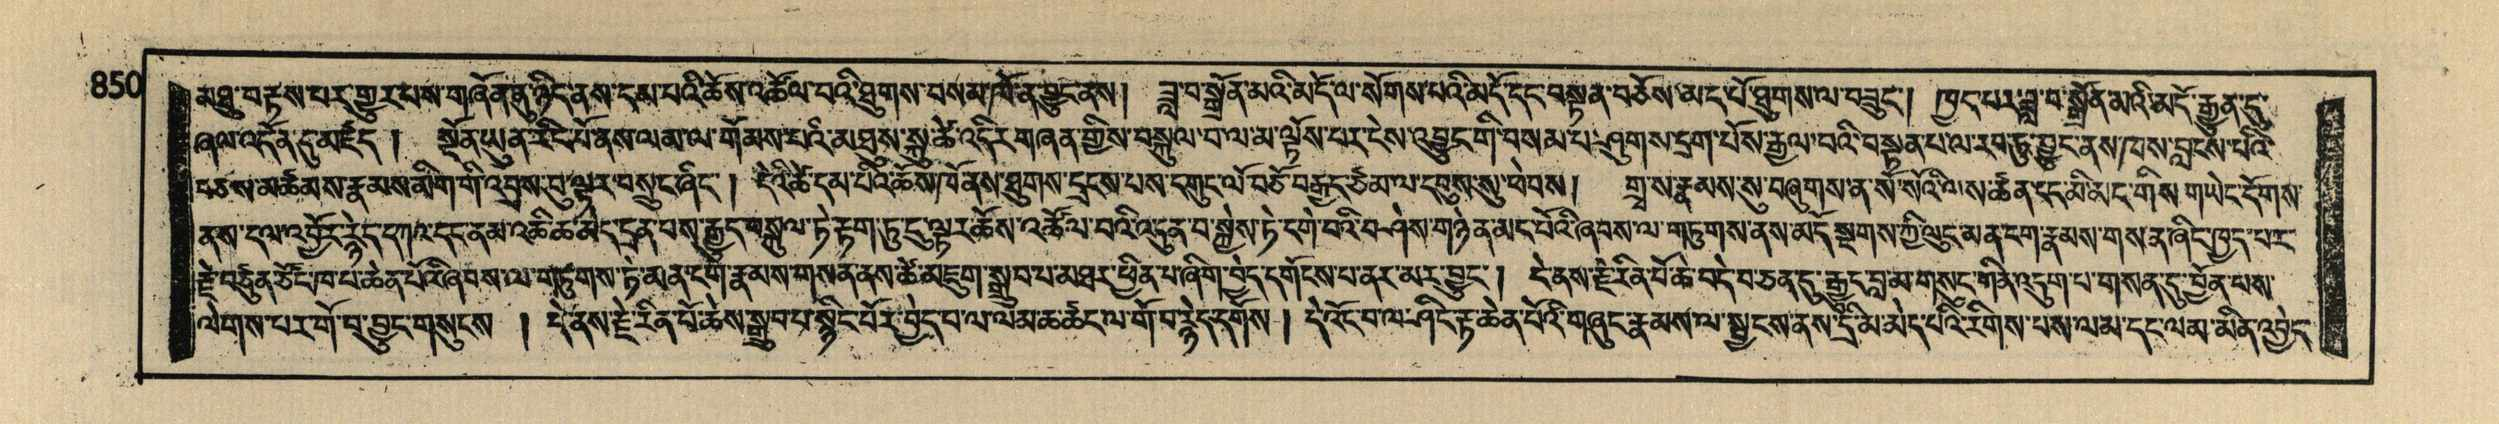མཐུ་བརྩས་པར་གྱུར་པས་གཞོན་ནུ་ཉིད་ནས་དམ་པའི་ཆོས་འཚལ་བའི་ཐུགས་བསམ་ཁོ་ན་བྱུང་ནས། ཟླ་བ་སྒྲོན་མའི་མདོ་ལ་སོགས་པའི་མདོ་དང་བསྟན་བཅོས་མང་པོ་ཐུགས་ལ་བཟུང་། ཁྱད་པར་ཟླ་བ་སྒྲོན་མའི་མདོ་རྒྱུན་དུ་
ཞལ་འདོན་དུ་མཛད། སྔོན་ཡུན་རིང་པོ་ནས་ལམ་ལ་གོམས་པའི་མཐུས་སྐུ་ཚེ་འདིར་གཞན་གྱིས་བསྐུལ་བ་ལ་མ་ལྟོས་བར་ངེས་འབྱུང་གི་བསམ་པ་ཤུགས་དྲག་པོས་རྒྱལ་བའི་བསྟན་པ་ལ་རབ་ཏུ་བྱུང་ནས་ཁས་བླངས་པའི་
བཅས་མཚམས་རྣམས་མིག་གི་འབྲས་བུ་ལྟར་བསྲུང་ཞིང་། དེའི་ཚེ་དམ་པའི་ཆོས་ཁོ་ནས་ཐུགས་དྲངས་པས་དགུང་ལོ་བཅོ་བརྒྱད་ཙམ་ལ་དབུས་སུ་ཕེབས། གྲྭ་ས་རྣམས་སུ་བཞུགས་ན་སོ་སོའི་ལས་ཚན་དང་མི་མང་གིས་གཡེང་དོགས་
ནས་དལ་འབྱོར་རྙེད་དཀའ་དང་ནམ་འཆི་ཆ་མེད་དྲན་པས་རྒྱུད་བསྐུལ་ཏེ་རྟག་ཏུ་དུ་ལྟར་ཆོས་འཚོལ་བའི་འདུན་བ་སྐྱེས་ཏེ་དགེ་བའི་བཤེས་གཉེན་མང་པོའི་ཞབས་ལ་གཏུགས་ནས་མདོ་སྔགས་ཀྱི་ལུང་མན་ངག་རྣམས་གསན་ཞིང་ཁྱད་པར་
རྗེ་བཙུན་ཙོང་ཁ་པ་ཆེན་པོའི་ཞབས་ལ་གཏུགས་ཏེ་མན་ངག་རྣམས་གསན་ནས་ཚེ་མཇུག་སྒྲུབ་པ་མཐར་ཕྱིན་པ་ཞིག་བྱེད་དགོངས་པ་ནར་མར་བྱུང་། དེ་ནས་རྗེ་རིན་པོ་ཆེ་བདེ་བ་ཅན་དུ་རྒྱུད་བླ་མ་གསུང་གིན་འདུག་པ་གསན་དུ་བྱོན་པས་
ལེགས་པར་གོ་བ་བྱུང་གསུངས། དེ་ནས་རྗེ་རིན་པོ་ཆེས་སྒྲུབ་པ་སྙིང་པོར་བྱེད་པ་ལ་ལམ་ཆ་ཚང་ལ་གོ་བ་རྙེད་དགོས། དེ་འོང་བ་ལ་ཤིང་རྟ་ཆེན་པོའི་གཞུང་རྣམས་ལ་སྦྱངས་ནས་དྲི་མ་མེད་པའི་རིགས་པས་ལམ་དང་ལམ་མིན་འབྱེད་